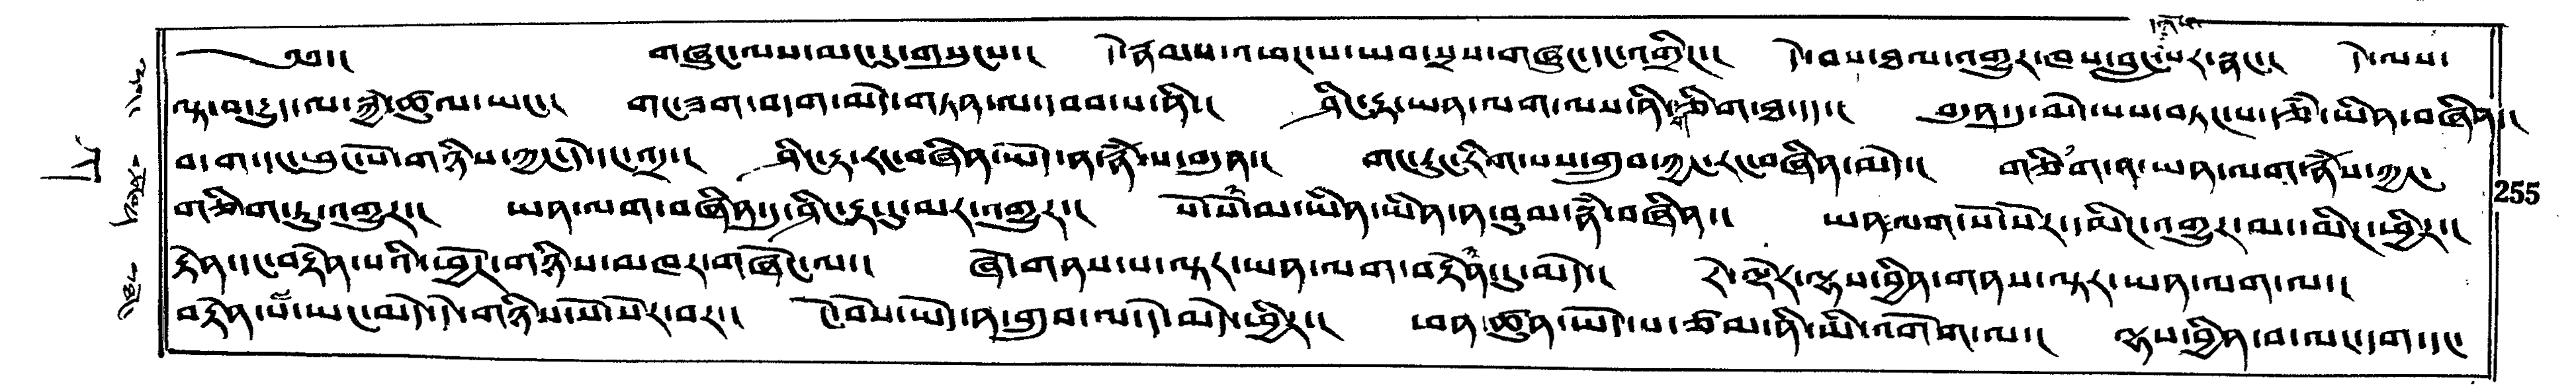གཞུང་ལས་མང་དུ་གསུངས། །དེ་རྣམས་འཕགས་པ་ཡབ་སྲས་གཞུང་དང་འགྲིགས། །དེ་བས་ཐལ་འགྱུར་ཁས་བླང་དགོག་པར་སྣང་། །དེ་ལས་
ལྟ་བ་རྒྱུད་ལ་སྐྱེ་ཚུལ་ཡང་། །གང་ཟག་བདག་མེད་གཏན་ལ་དབབ་པ་ནི། །ཤིང་རྟ་ཡན་ལག་ལས་ནི་གཅིག་ཐ་དད། །བདུན་དུ་མེད་པས་བཏགས་པ་ཙམ་ཡིན་བཞིན། །
བདག་དང་ཕུང་པོ་གཉིས་ཀྱང་དེ་དང་འདྲ། །ཤིང་རྟ་རང་བཞིན་ཡོད་ན་རྣམ་པ་བདུན། །གང་རུང་རིགས་པས་གྲུབ་ཀྱང་རང་བཞིན་མེད། །གཅིག་ན་ཡན་ལག་རྣམས་ཀྱང་
གཅིག་ཏུ་འགྱུར། །ཡན་ལག་བཞིན་དུ་ཤིང་རྟ་དུ་མར་འགྱུར། །སོ་སོ་མ་ཡིན་ཡིན་ན་བུམ་སྣམ་བཞིན། །ཡན་ལག་སོ་སོར་དམིགས་འགྱུར་མ་དམིགས་ཕྱིར། །
རྟེན་དང་བརྟེན་པའི་ཕྱོགས་གཉིས་མཁར་གཞོང་ལ། །ཞོ་གནས་པ་ལྟར་ཡན་ལག་བརྟེན་དུ་མེད། །རེ་ལྡེར་ལྷས་བྱིན་གནས་ལྟར་ཡན་ལག་ལ། །
བརྟེན་པ་ཡང་མེད་དེ་གཉིས་སོ་སོ་བར། །ངོ་བོས་ཡོད་ན་གྲུབ་ལ་དེ་མེད་ཕྱིར། །ཕན་ཚུན་ཡོད་པ་ཙམ་ནི་མི་འགོག་ལ། །ལྷས་བྱིན་བ་ལང་དག་དང་